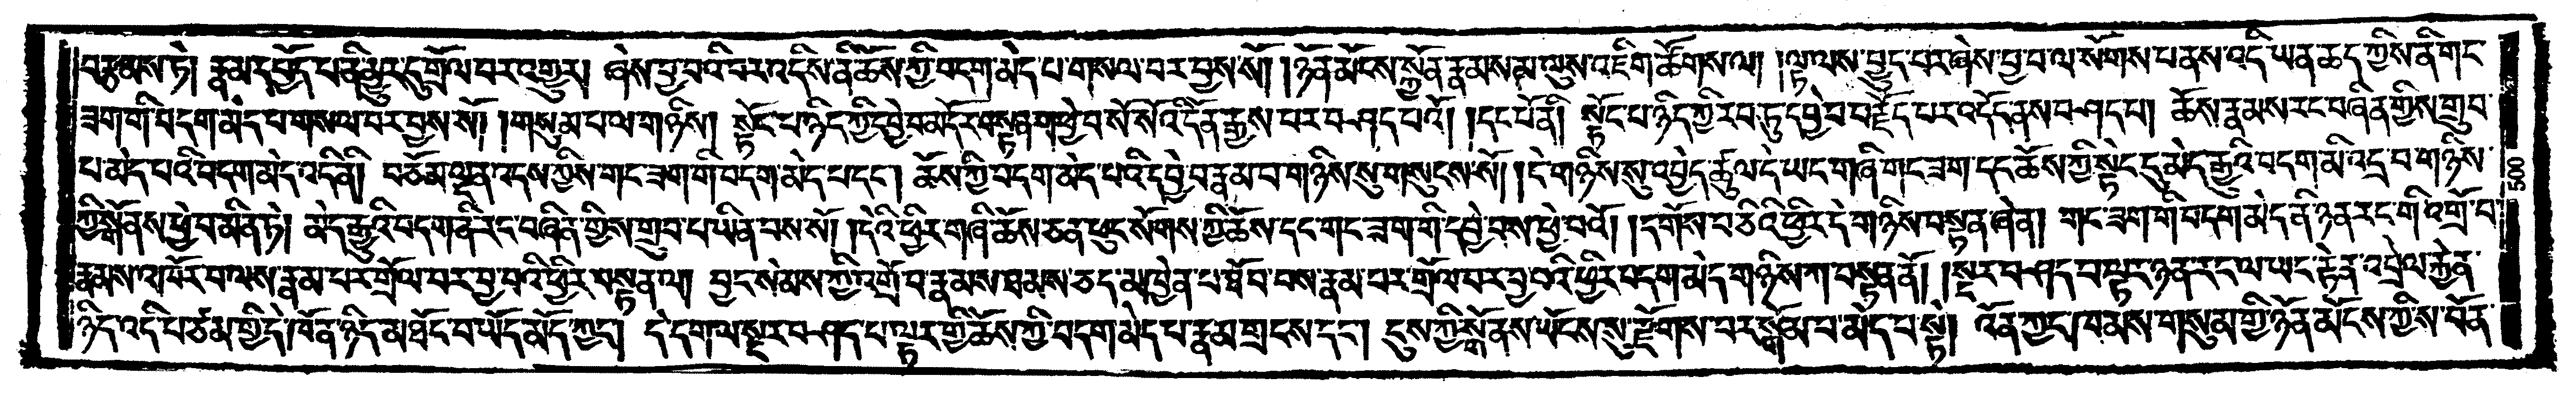བརྩམས་ཏེ། རྣམ་དཔྱོད་པ་ནི་མྱུར་དུ་གྲོལ་བར་འགྱུར། ཞེས་བྱ་བའི་བར་འདིས་ནི་ཆོས་ཀྱི་བདག་མེད་པ་གསལ་བར་བྱས་སོ། །ཉོན་མོངས་སྐྱོན་རྣམས་མ་ལུས་འཇིག་ཚོགས་ལ། །ལྟ་ལས་བྱུང་བར་ཞེས་བྱ་བ་ལ་སོགས་པ་ནས་འདི་ཡན་ཆད་ཀྱིས་ནི་གང་
ཟག་གི་བདག་མེད་པ་གསལ་བར་བྱས་སོ། ། གསུམ་པ་ལ་གཉིས། སྟོང་པ་ཉིད་ཀྱི་དབྱེ་བ་མདོར་བསྟན་པ། ཕྱེ་བ་སོ་སོའི་དོན་རྒྱས་པར་བཤད་པའོ། །དང་པོ་ནི། སྟོང་པ་ཉིད་ཀྱི་རབ་ཏུ་དབྱེ་བ་བརྗོད་པར་འདོད་ནས་བཤད་པ། ཆོས་རྣམས་རང་བཞིན་གྱིས་གྲུབ་
པ་མེད་པའི་བདག་མེད་འདི་ནི། །བཅོམ་ལྡན་འདས་ཀྱིས་གང་ཟག་གི་བདག་མེད་པ་དང་། ཆོས་ཀྱི་བདག་མེད་པའི་དབྱེ་བ་རྣམ་པ་གཉིས་སུ་གསུངས་སོ། །དེ་གཉིས་སུ་འབྱེད་ཚུལ་དེ་ཡང་གཞི་གང་ཟག་དང་ཆོས་ཀྱི་སྟེང་དུ་མེད་རྒྱུའི་བདག་མི་འདྲ་བ་གཉིས་
ཀྱི་སྒོ་ནས་ཕྱེ་བ་མིན་ཏེ། མེད་རྒྱུའི་བདག་ནི་རང་བཞིན་གྱིས་གྲུབ་པ་ཡིན་པས་སོ། །དེའི་ཕྱིར་གཞི་ཆོས་ཅན་ཕུང་སོགས་ཀྱི་ཆོས་དང་གང་ཟག་གི་དབྱེ་བས་ཕྱེ་བའོ། །དགོས་པ་ཅིའི་ཕྱིར་དེ་གཉིས་བསྟན་ཞེ་ན། གང་ཟག་གི་བདག་མེད་ནི་ཉན་རང་གི་འགྲོ་བ་
རྣམས་འཁོར་བ་ལས་རྣམ་པར་གྲོལ་བར་བྱ་བའི་ཕྱིར་བསྟན་ལ། བྱང་སེམས་ཀྱི་འགྲོ་བ་རྣམས་ཐམས་ཅད་མཁྱེན་པ་ཐོབ་པས་རྣམ་པར་གྲོལ་བར་བྱ་བའི་ཕྱིར་བདག་མེད་གཉིས་ཀ་བསྟན་ནོ། །སྔར་བཤད་པ་ལྟར་ཉན་རང་ལ་ཡང་རྟེན་འབྲེལ་རྐྱེན་
ཉིད་འདི་པ་ཙམ་གྱི་དེ་ཁོ་ན་ཉིད་མཐོང་བ་ཡོད་མོད་ཀྱང་། དེ་དག་ལ་སྔར་བཤད་པ་ལྟར་གྱི་ཆོས་ཀྱི་བདག་མེད་པ་རྣམ་གྲངས་དང་། དུས་ཀྱི་སྒོ་ནས་ཡོངས་སུ་རྫོགས་པར་སྒོམ་པ་མེད་པ་སྟེ། འོན་ཀྱང་ཁམས་གསུམ་གྱི་ཉོན་མོངས་ཀྱི་ས་བོན་